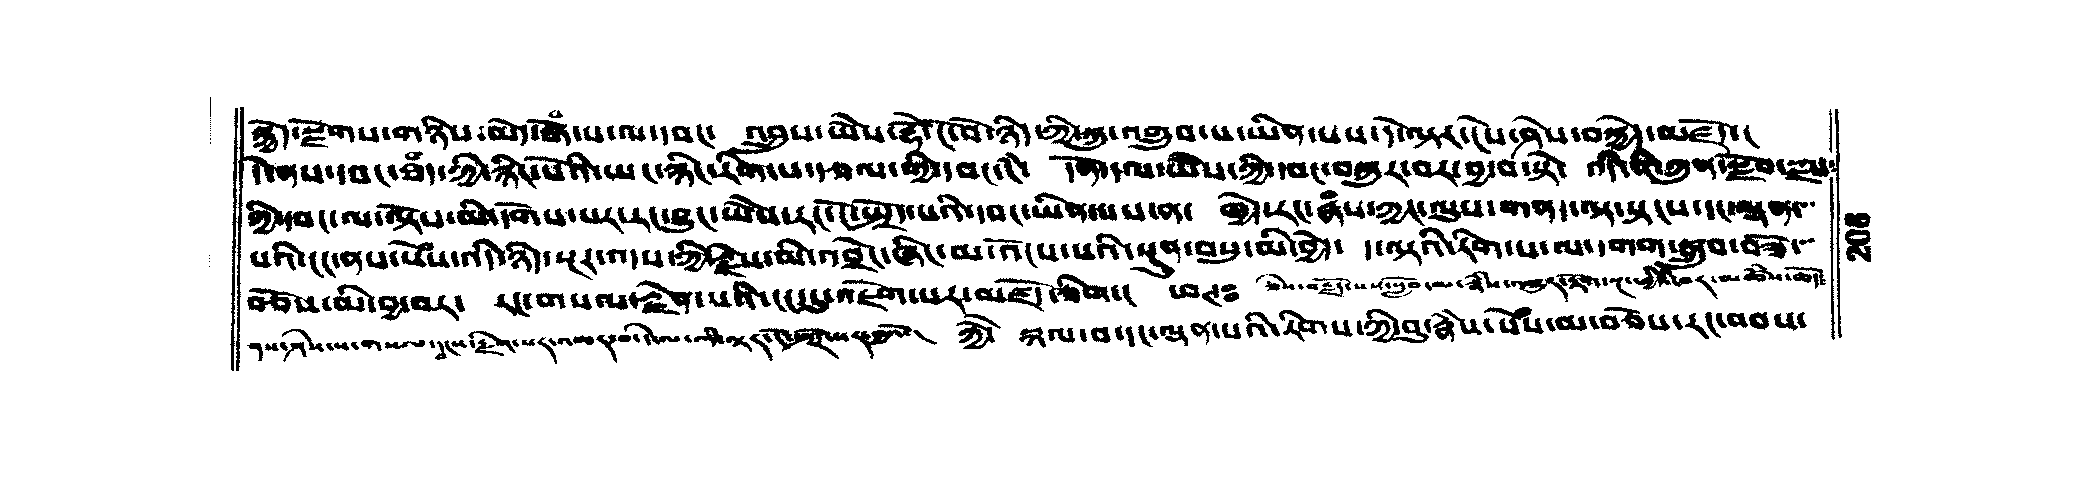སྐྱེད་རྫོགས་གཉིས་མེད་སྒོམ་པ་ལ་དབང་། འབྲས་བུ་ཡེ་ཤེས་རྡོ་རྗེ་ངོ་བོ་ཉིད་ཀྱི་སྐུ་འགྲུབ་པ་ཡིན་པས་དེ་ལྟར་ངེས་ཤེས་བསྐྱེད་མཛོད། 
དེ་ནས་དབང་ཐམས་ཅད་ཀྱི་སྙིང་པོའི་ཡག་སྙིང་རིག་པ་རྩལ་གྱི་དབང་ངམ། དོན་དམ་ཡེ་ཤེས་ཀྱི་དབང་བསྐུར་བར་བྱ་བ་སྟེ། འདི་ནི་ཀུན་རྫོབ་རྫས་
ཀྱི་དབང་ལ་ལྟོས་མི་དགོས་པར་རང་བྱུང་ཡེ་ཤེས་རང་ངོ་སྤྲོད་པའི་དབང་ཡིན་པས་ན། ཁྱེད་རང་རྣམས་ཀྱང་ལུས་གནད་ལྟ་སྟངས་དང་ལྡན་
པའི་ངང་ནས་སེམས་འདི་ཉིད་སྔར་འདས་ཀྱི་རྗེས་མི་འབྲེང་ཞིང་མ་འོང་པའི་སྔུན་བསུ་མི་བྱེད། ད་ལྟའི་རིག་པ་ལ་དགག་སྒྲུབ་བཟོ་
བཅོས་མི་བྱ་བར། རང་གསལ་རྗེན་པའི་ངང་དུ་འཇོག་པར་མཛོད་ཅིག ཕཊཿ ཅེས་བརྗོད་པས་སློབ་མ་རྣམས་འགྱུར་རྟོག་སྔ་ཕྱིའི་བར་མཚམས་ཆོད་
ནས་ཤེས་པ་གསལ་དྭངས་རྗེན་པར་འཆར་བ་དེ་ལ་འདི་ལྟར་ངོ་སྤྲོད་པར་བྱའོ། ཀྱཻ། སྐལ་བ་དང་ལྡན་པའི་རིགས་ཀྱི་བུ་རྣམས་སེམས་མ་བཅོས་རང་བབས་